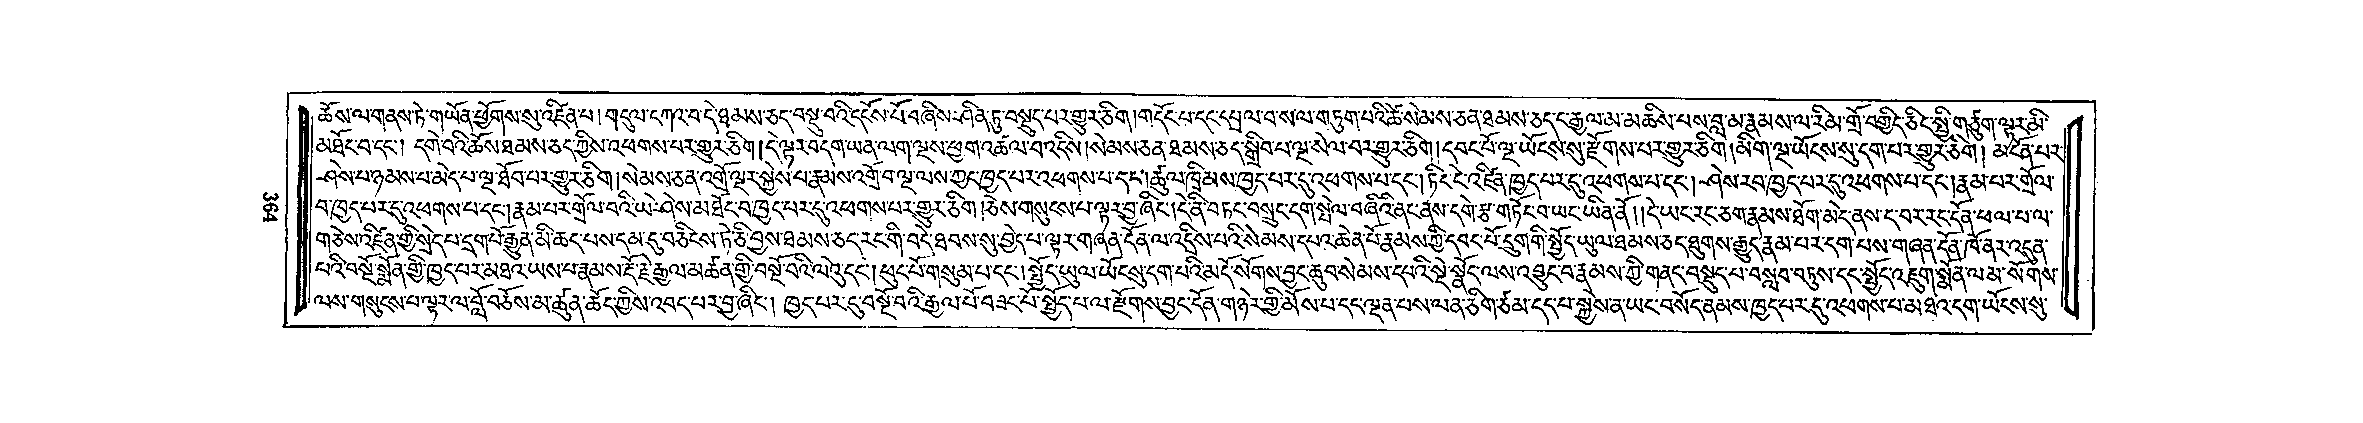ཆོས་ལ་གནས་ཏེ་གཡོན་ཕྱོགས་སུ་འཛིན་པ། གདུལ་དཀའ་བ་དེ་ཐམས་ཅད་བསྡུ་བའི་དངོས་པོ་བཞིས་ཤིན་ཏུ་བསྡུད་པར་གྱུར་ཅིག །གདོང་པ་དང་དཔྲལ་བ་ས་ལ་གཏུག་པའི་ཚེ་སེམས་ཅན་ཐམས་ཅད་ང་རྒྱལ་མ་མཆིས་པས་བླ་མ་རྣམས་ལ་རིམ་གྲོ་བགྱིད་ཅིང་སྤྱི་གཙུག་ལྟར་མི་
མཐོང་བ་དང་། དགེ་བའི་ཆོས་ཐམས་ཅད་ཀྱིས་འཕགས་པར་གྱུར་ཅིག །དེ་ལྟར་བདག་ཡན་ལག་ལྔས་ཕྱག་འཚལ་བ་འདིས། སེམས་ཅན་ཐམས་ཅད་སྒྲིབ་པ་ལྔ་སེལ་བར་གྱུར་ཅིག །དབང་པོ་ལྔ་ཡོངས་སུ་རྫོགས་པར་གྱུར་ཅིག །མིག་ལྔ་ཡོངས་སུ་དག་པར་གྱུར་ཅིག །མངོན་པར་
ཤེས་པ་ཉམས་པ་མེད་པ་ལྔ་ཐོབ་པར་གྱུར་ཅིག །སེམས་ཅན་འགྲོ་ལྔར་སྐྱེས་པ་རྣམས་འགྲོ་བ་ལྔ་ལས་ཀྱང་ཁྱད་པར་འཕགས་པ་དང་། ཚུལ་ཁྲིམས་ཁྱད་པར་དུ་འཕགས་པ་དང་། ཏིང་ངེ་འཛིན་ཁྱད་པར་དུ་འཕགས་པ་དང་། ཤེས་རབ་ཁྱད་པར་དུ་འཕགས་པ་དང་། རྣམ་པར་གྲོལ་
བ་ཁྱད་པར་དུ་འཕགས་པ་དང་། རྣམ་པར་གྲོལ་བའི་ཡེ་ཤེས་མཐོང་བ་ཁྱད་པར་དུ་འཕགས་པར་གྱུར་ཅིག །ཅེས་གསུངས་པ་ལྟར་བྱ་ཞིང་། དེ་ནི་བཏང་བསྲུང་དག་སྤེལ་བཞིའི་ནང་ནས་དགེ་རྩ་གཏོང་བ་ཡང་ཡིན་ནོ། །དེ་ཡང་རང་ཅག་རྣམས་ཐོག་མེད་ནས་ད་བར་རང་དོན་ཕལ་པ་ལ་
གཅེས་འཛིན་གྱི་སྲེད་པ་དྲག་པོ་རྒྱུན་མི་ཆད་པས་དམ་དུ་བཅིངས་ཏེ་ཅི་བྱས་ཐམས་ཅད་རང་གི་བདེ་ཐབས་སུ་བྱེད་པ་ལྟར་གཞན་དོན་ལ་འདྲིས་པའི་སེམས་དཔའ་ཆེན་པོ་རྣམས་ཀྱི་དབང་པོ་དྲུག་གི་སྤྱོད་ཡུལ་ཐམས་ཅད་ཐུགས་རྒྱུད་རྣམ་པར་དག་པས་གཞན་དོན་ཁོ་ནར་འདུན་
པའི་བསྔོ་སྨོན་གྱི་ཁྱད་པར་མཐའ་ཡས་པ་རྣམས་རྡོ་རྗེ་རྒྱལ་མཚན་གྱི་བསྔོ་བའི་ལེའུ་དང་། ཕུང་པོ་གསུམ་པ་དང་། སྤྱོད་ཡུལ་ཡོངས་སུ་དག་པའི་མདོ་སོགས་བྱང་ཆུབ་སེམས་དཔའི་སྡེ་སྣོད་ལས་འབྱུང་བ་རྣམས་ཀྱི་གནད་བསྡུད་པ་བསླབ་བཏུས་དང་སྤྱོད་འཇུག་སྨོན་ལམ་སོགས་
ལས་གསུངས་པ་ལྟར་ལ་བློ་བཅོས་མ་ཚུན་ཆོད་ཀྱིས་འབད་པར་བྱ་ཞིང་། ཁྱད་པར་དུ་བསྔོ་བའི་རྒྱལ་པོ་བཟང་པོ་སྤྱོད་པ་ལ་རྫོགས་བྱང་དོན་གཉེར་གྱི་མོས་པ་དང་ལྡན་པས་ལན་ཅིག་ཙམ་དད་པ་སྐྱེས་ན་ཡང་བསོད་ནམས་ཁྱད་པར་དུ་འཕགས་པ་མཐའ་དག་ཡོངས་སུ་